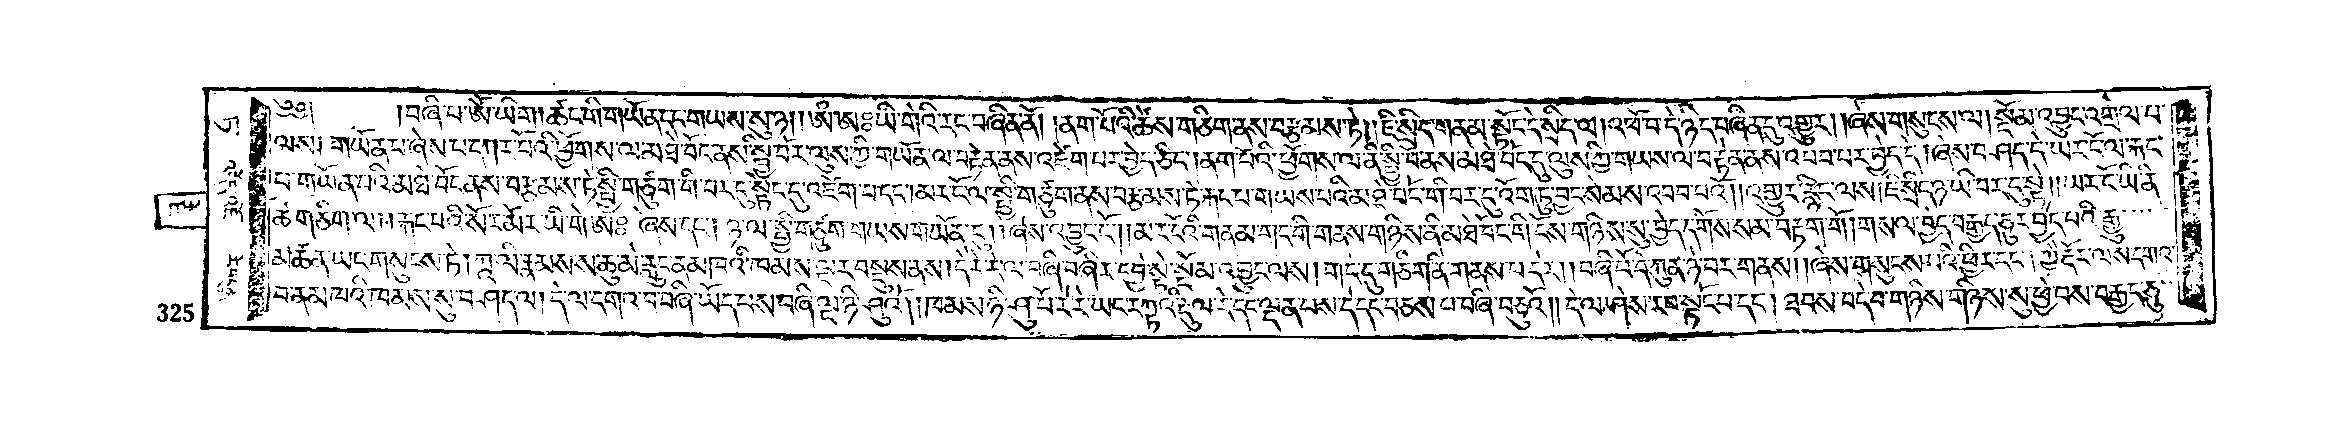༄༅། །བཞི་པ་ཨཽ་ཡིག །ཚང་གི་གཡོན་དང་གཡས་སུ་ཉ། །ཨཾ་ཨཿ ཡི་གེའི་རང་བཞིན་ནོ། །ནག་པོའི་ཚེས་གཅིག་ནས་བརྩམས་ཏེ། །ཇི་སྲིད་གནམ་སྟོང་དེ་སྲིད་ལ། འཕོ་བ་དེ་ཉིད་བཞིན་དུ་འགྱུར། །ཞེས་གསུངས་ལ། སྡོམ་འབྱུང་འགྲེལ་པ་
ལས། གཡོན་པ་ཞེས་པ་དཀར་པོའི་ཕྱོགས་ལ་མཐེ་བོང་ནས་སྤྱི་བོར་ལུས་ཀྱི་གཡོན་ལ་བརྟེན་ནས་འཇོག་པར་བྱེད་ཅིང་། ནག་པོའི་ཕྱོགས་ལ་ནི་སྤྱི་བོ་ནས་མཐེ་བོང་དུ་ལུས་ཀྱི་གཡས་ལ་བརྟེན་ནས་འབབ་པར་བྱེད་དེ། ཞེས་བཤད་དེ་ཡར་ངོ་ལ་རྐང་
པ་གཡོན་པའི་མཐེ་བོང་ནས་བརྩམས་ཏེ་སྤྱི་གཙུག་གི་བར་དུ་སྟེང་དུ་འཇོག་པ་དང་། མར་ངོ་ལ་སྤྱི་གཙུག་ནས་བརྩམས་ཏེ་རྐང་པ་གཡས་པའི་མཐེ་བོང་གི་བར་དུ་འོག་ཏུ་བྱང་སེམས་འབབ་པའོ། །འགྱུར་རྙིང་ལས། ཇི་སྲིད་ཉ་ཡི་བར་དུ་སྟེ། །ཡར་ངོ་ཡི་ནི་
ཚེས་གཅིག་ལ། །རྐང་པའི་སོར་མོར་ཡི་གེ་ཨཿ ཞེས་དང་། ཉ་ལ་སྤྱི་གཙུག་གཡས་གཡོན་དུ། །ཞེས་འབྱུང་ངོ། །མར་ངོའི་གནམ་གང་གི་གནས་གཉིས་ནི་མཐེ་བོང་གི་ངོས་གཉིས་སུ་བྱེད་དགོས་སམ་བརྟག་གོ །གསལ་བྱེད་བརྒྱད་ཅུར་བྱེད་པའི་རྒྱུ་
མཚན་ཡང་གསུངས་ཏེ། ཀཱ་ལི་རྣམས་ས་ཆུ་མེ་རླུང་ནམ་མཁའི་ཁམས་ལྔར་བསྡུས་ནས། དེ་རེ་རེ་ལ་བཞི་བཞིར་དབྱེ་སྟེ་སྡོམ་འབྱུང་ལས། གང་དུ་གཅིག་ནི་གནས་པ་དེར། །བཞི་པོ་དེ་ཀུན་ཉེ་བར་གནས། །ཞེས་གསུངས་པའི་ཕྱིར་དང་། ཀྱཻ་རྡོར་ལས་དགའ་
བ་ནམ་མཁའི་ཁམས་སུ་བཤད་ལ། དེ་ལ་དགའ་བ་བཞི་ཡོད་པས་བཞི་ལྔ་ཉི་ཤུའོ། །ཁམས་ཉི་ཤུ་པོ་རེ་རེ་ཡང་རཀྟའི་རྡུལ་རེ་དང་ལྡན་པས་དེ་དང་བཅས་པ་བཞི་བཅུའོ། །དེ་ལ་ཤེས་རབ་སྟོང་པ་དང་། ཐབས་བདེ་བ་གཉིས་གཉིས་སུ་ཕྱེ་བས་བརྒྱད་ཅུ་